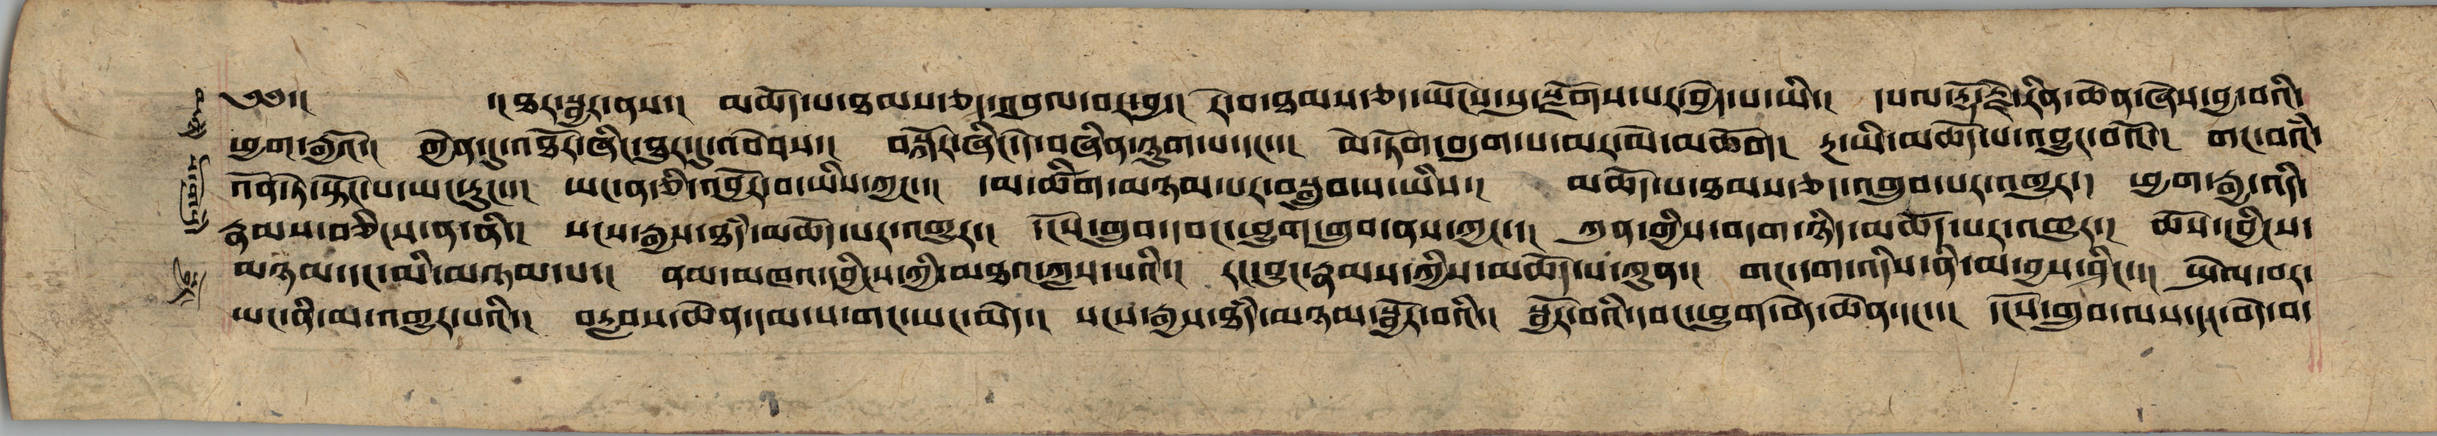༄༅་། ་།ཐར་སྦྱར་ནས་། མཆོད་པ་ཐམས་ཅད་འབུལ་བར་བྱ་། རེ་བ་ཐམས་ཅད་ཡོངས་སུ་སྫོགས་པར་བྱེད་པ་ཡི་། དཔལ་རྡོ་རྗེ་རིན་ཆེན་ཞེས་བྱ་བའི་
ཕྱག་རྒྱའོ་། གྱེན་དུ་འཐོར་ཞིང་ཐུར་དུ་འབེབས་། བསྐོར་ཞིང་དེ་བཞིན་ཉུག་པ་དང་་། མེ་ཏོག་བདུག་པ་མར་མེ་མཆོག། རྔ་ཡི་མཆོད་པ་འབྱུང་བའོ་། གང་བའཾ་
འོན་ཏེ་སྟོང་པ་ཡང་རུངས། ཡང་ན་ཅི་འབྱོར་བ་ཡིས་ཀྱང་་། དམ་ཚིག་མཉམ་པར་བསྒྲུབ་པ་ཡིས་། མཆོད་པ་ཐམས་ཅད་འགྲུབ་པར་འགྱུར་། ཕྱག་རྒྱ་འདི་
རྣམས་བཅིངས་ན་ནི་། སངས་རྒྱས་ཐཾད་མཆོད་པར་འགྱུར་། དངོས་གྲུབ་དབང་ཕྱུག་གྲུབ་ནས་ཀྱང་་། ཀུན་གྱིས་བདག་ཉིད་མཆོད་པར་འགྱུར་། ཆོས་དབྱིངས་
མཉམ་དང་མི་མཉམ་པ་། ནམ་མཁའ་དབྱིངས་ཀྱི་མཐའ་ཀླས་པའི་། རང་བྱུང་རྣམས་ཀྱིས་མཆོད་པ་ཀུན་། གང་དག་འདིས་ནི་མ་བྱས་ཤིང་་། སྤེལ་བར་
ཡང་ནི་མ་འགྱུར་པའི་། བརླབས་ཆེན་དམ་པ་གང་ཡང་མེད་། སངས་རྒྱས་ཐཾད་མཉམ་སྦྱོར་བའི་། སྦྱོར་བའི་དབང་ཕྱུག་བདེ་ཆེན་དང་་། དངོས་གྲུབ་ལས་དང་བདེ་བ་